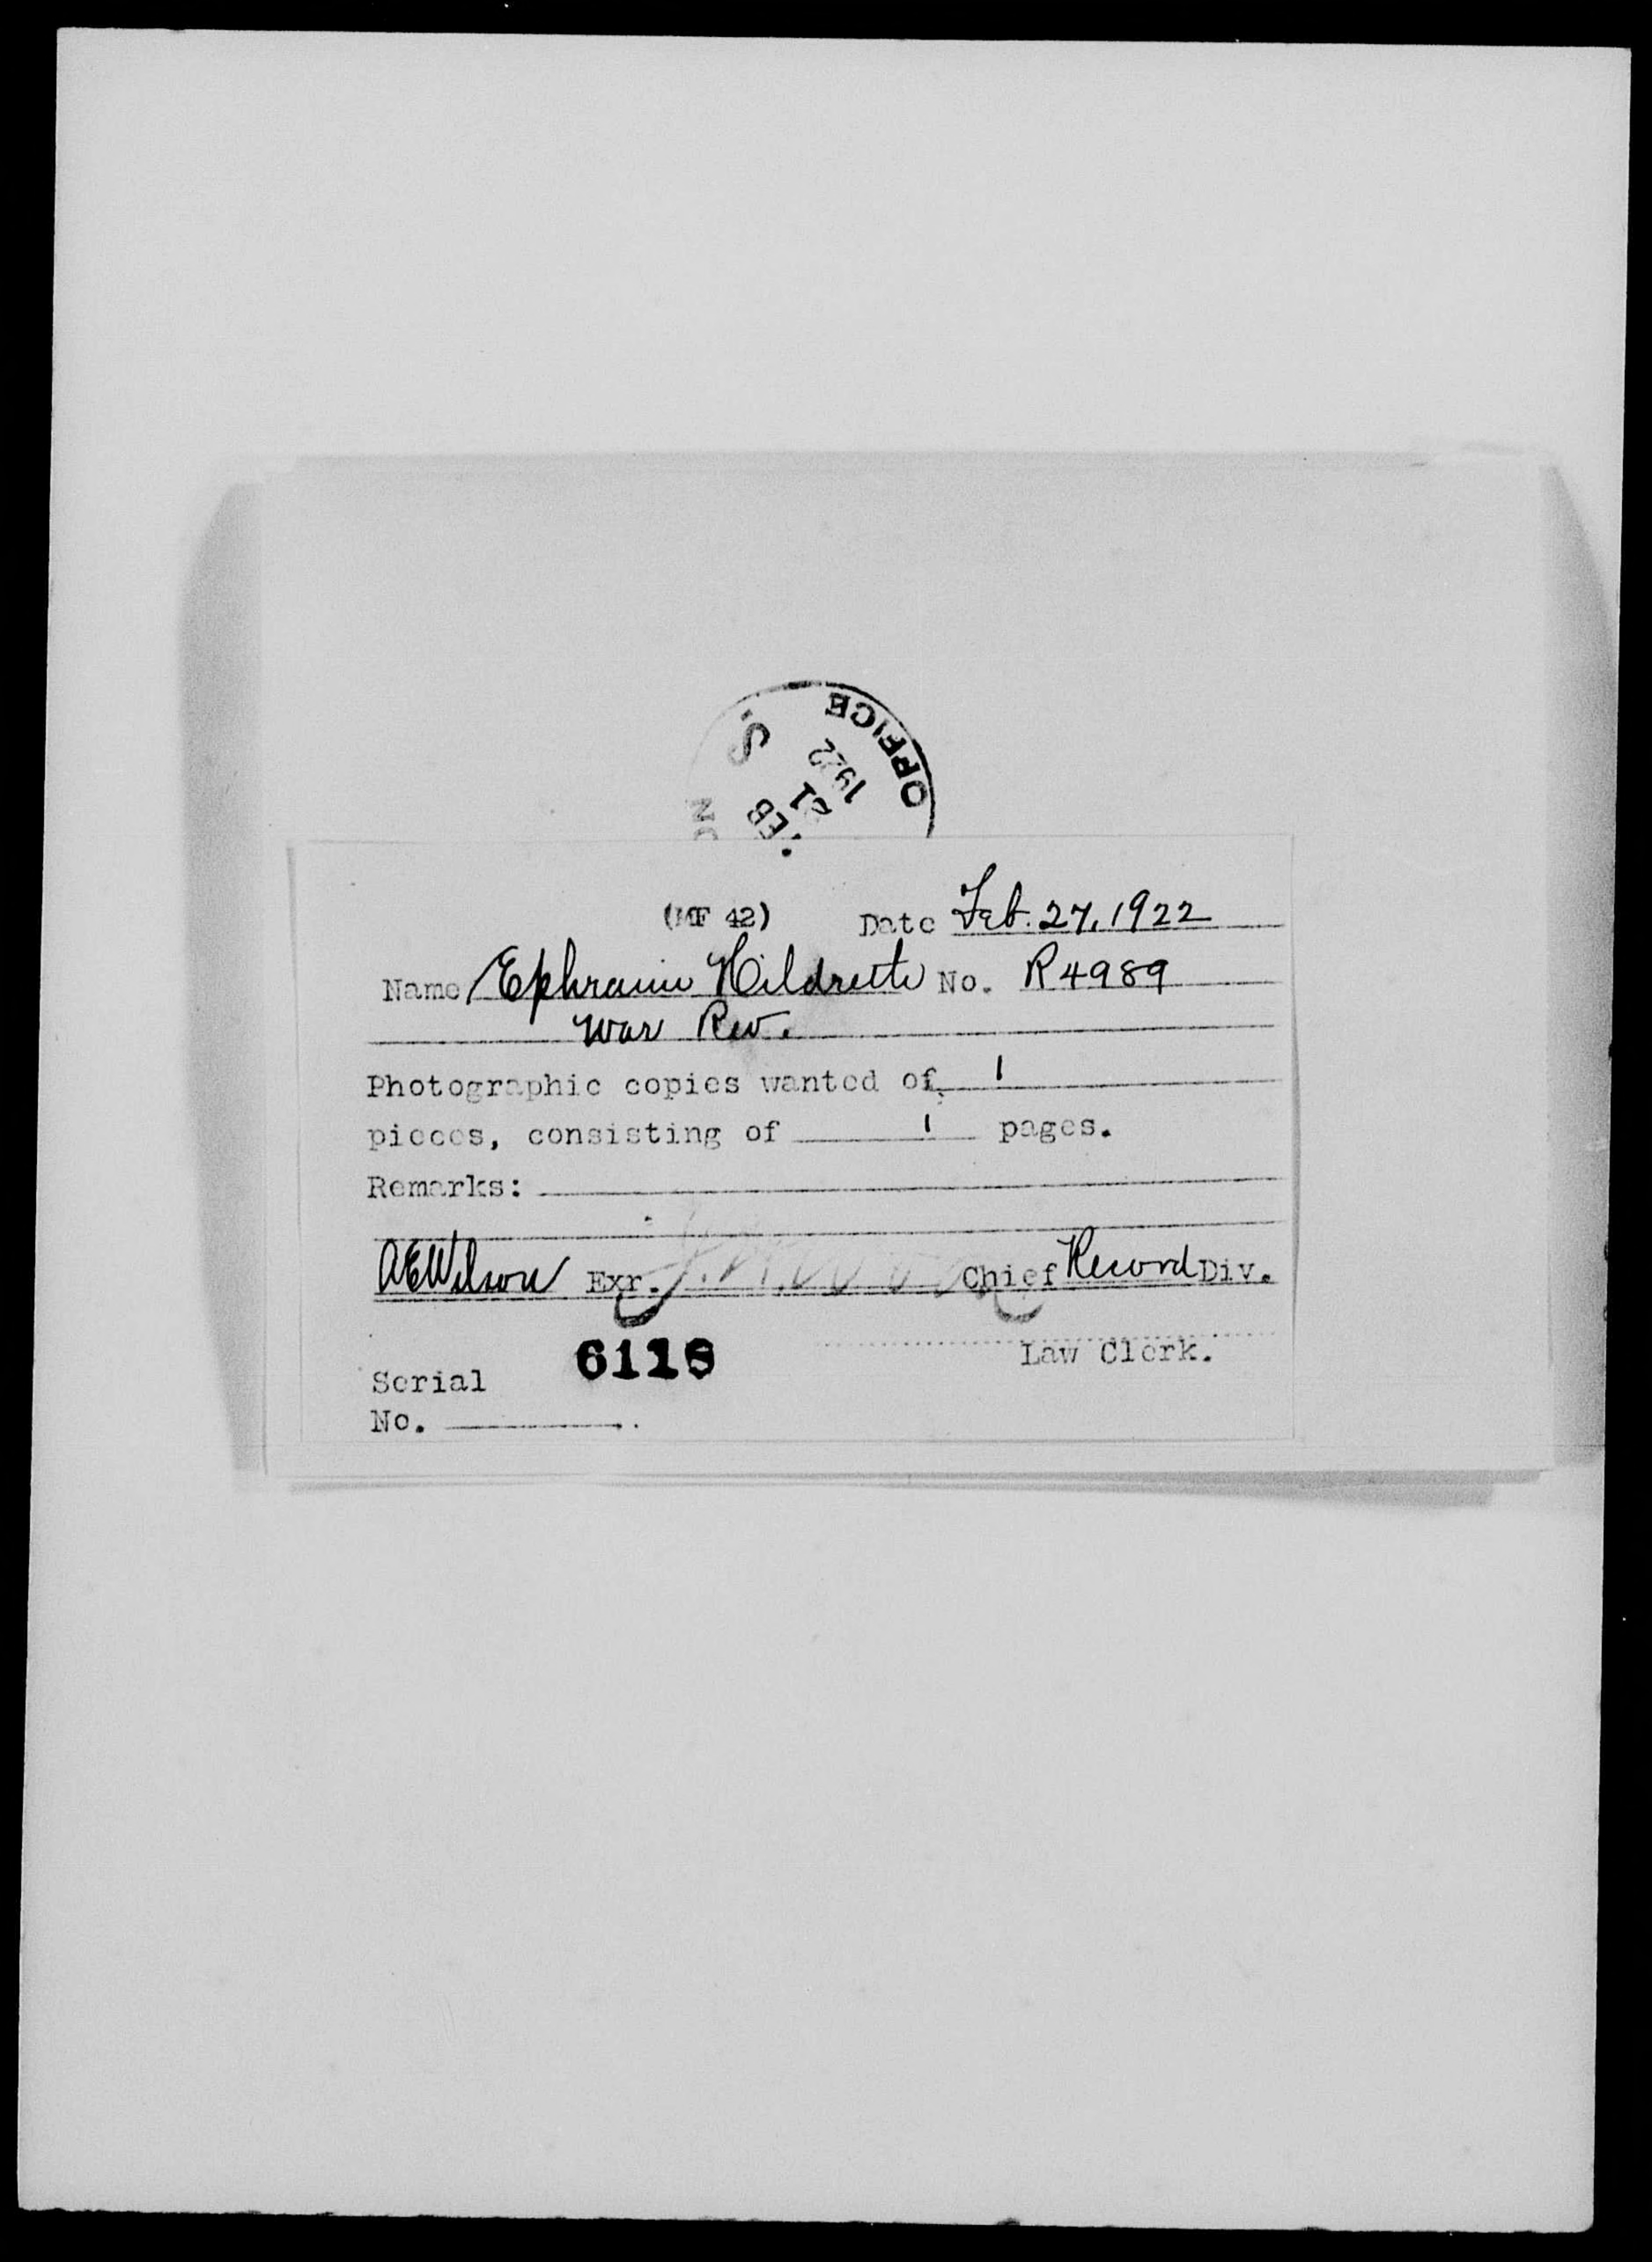(card in upper right of record)

(on record under card -- pension office stamp partially obscured dated FEB 21 1922) 

(card begins) 
(MF 42)  Date Feb(ruary) 27 1922

Name Ephraim Hildreth No. R 4989
War Rev(olutionary)

Photographic copies wanted of 1
pieces, consisting of 1 pages
Remarks (left blank)

(signed) A E Wilson Exr. (stamp J H Wood
Chief Record Div(ision)
(left blank)  Law Clerk

Serial No. 6118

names: J W Wood, A E Wilson, Ephraim Hildreth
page: 17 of 17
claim: rejected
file: R. 4989, Ephraim Hildreth, N.H.